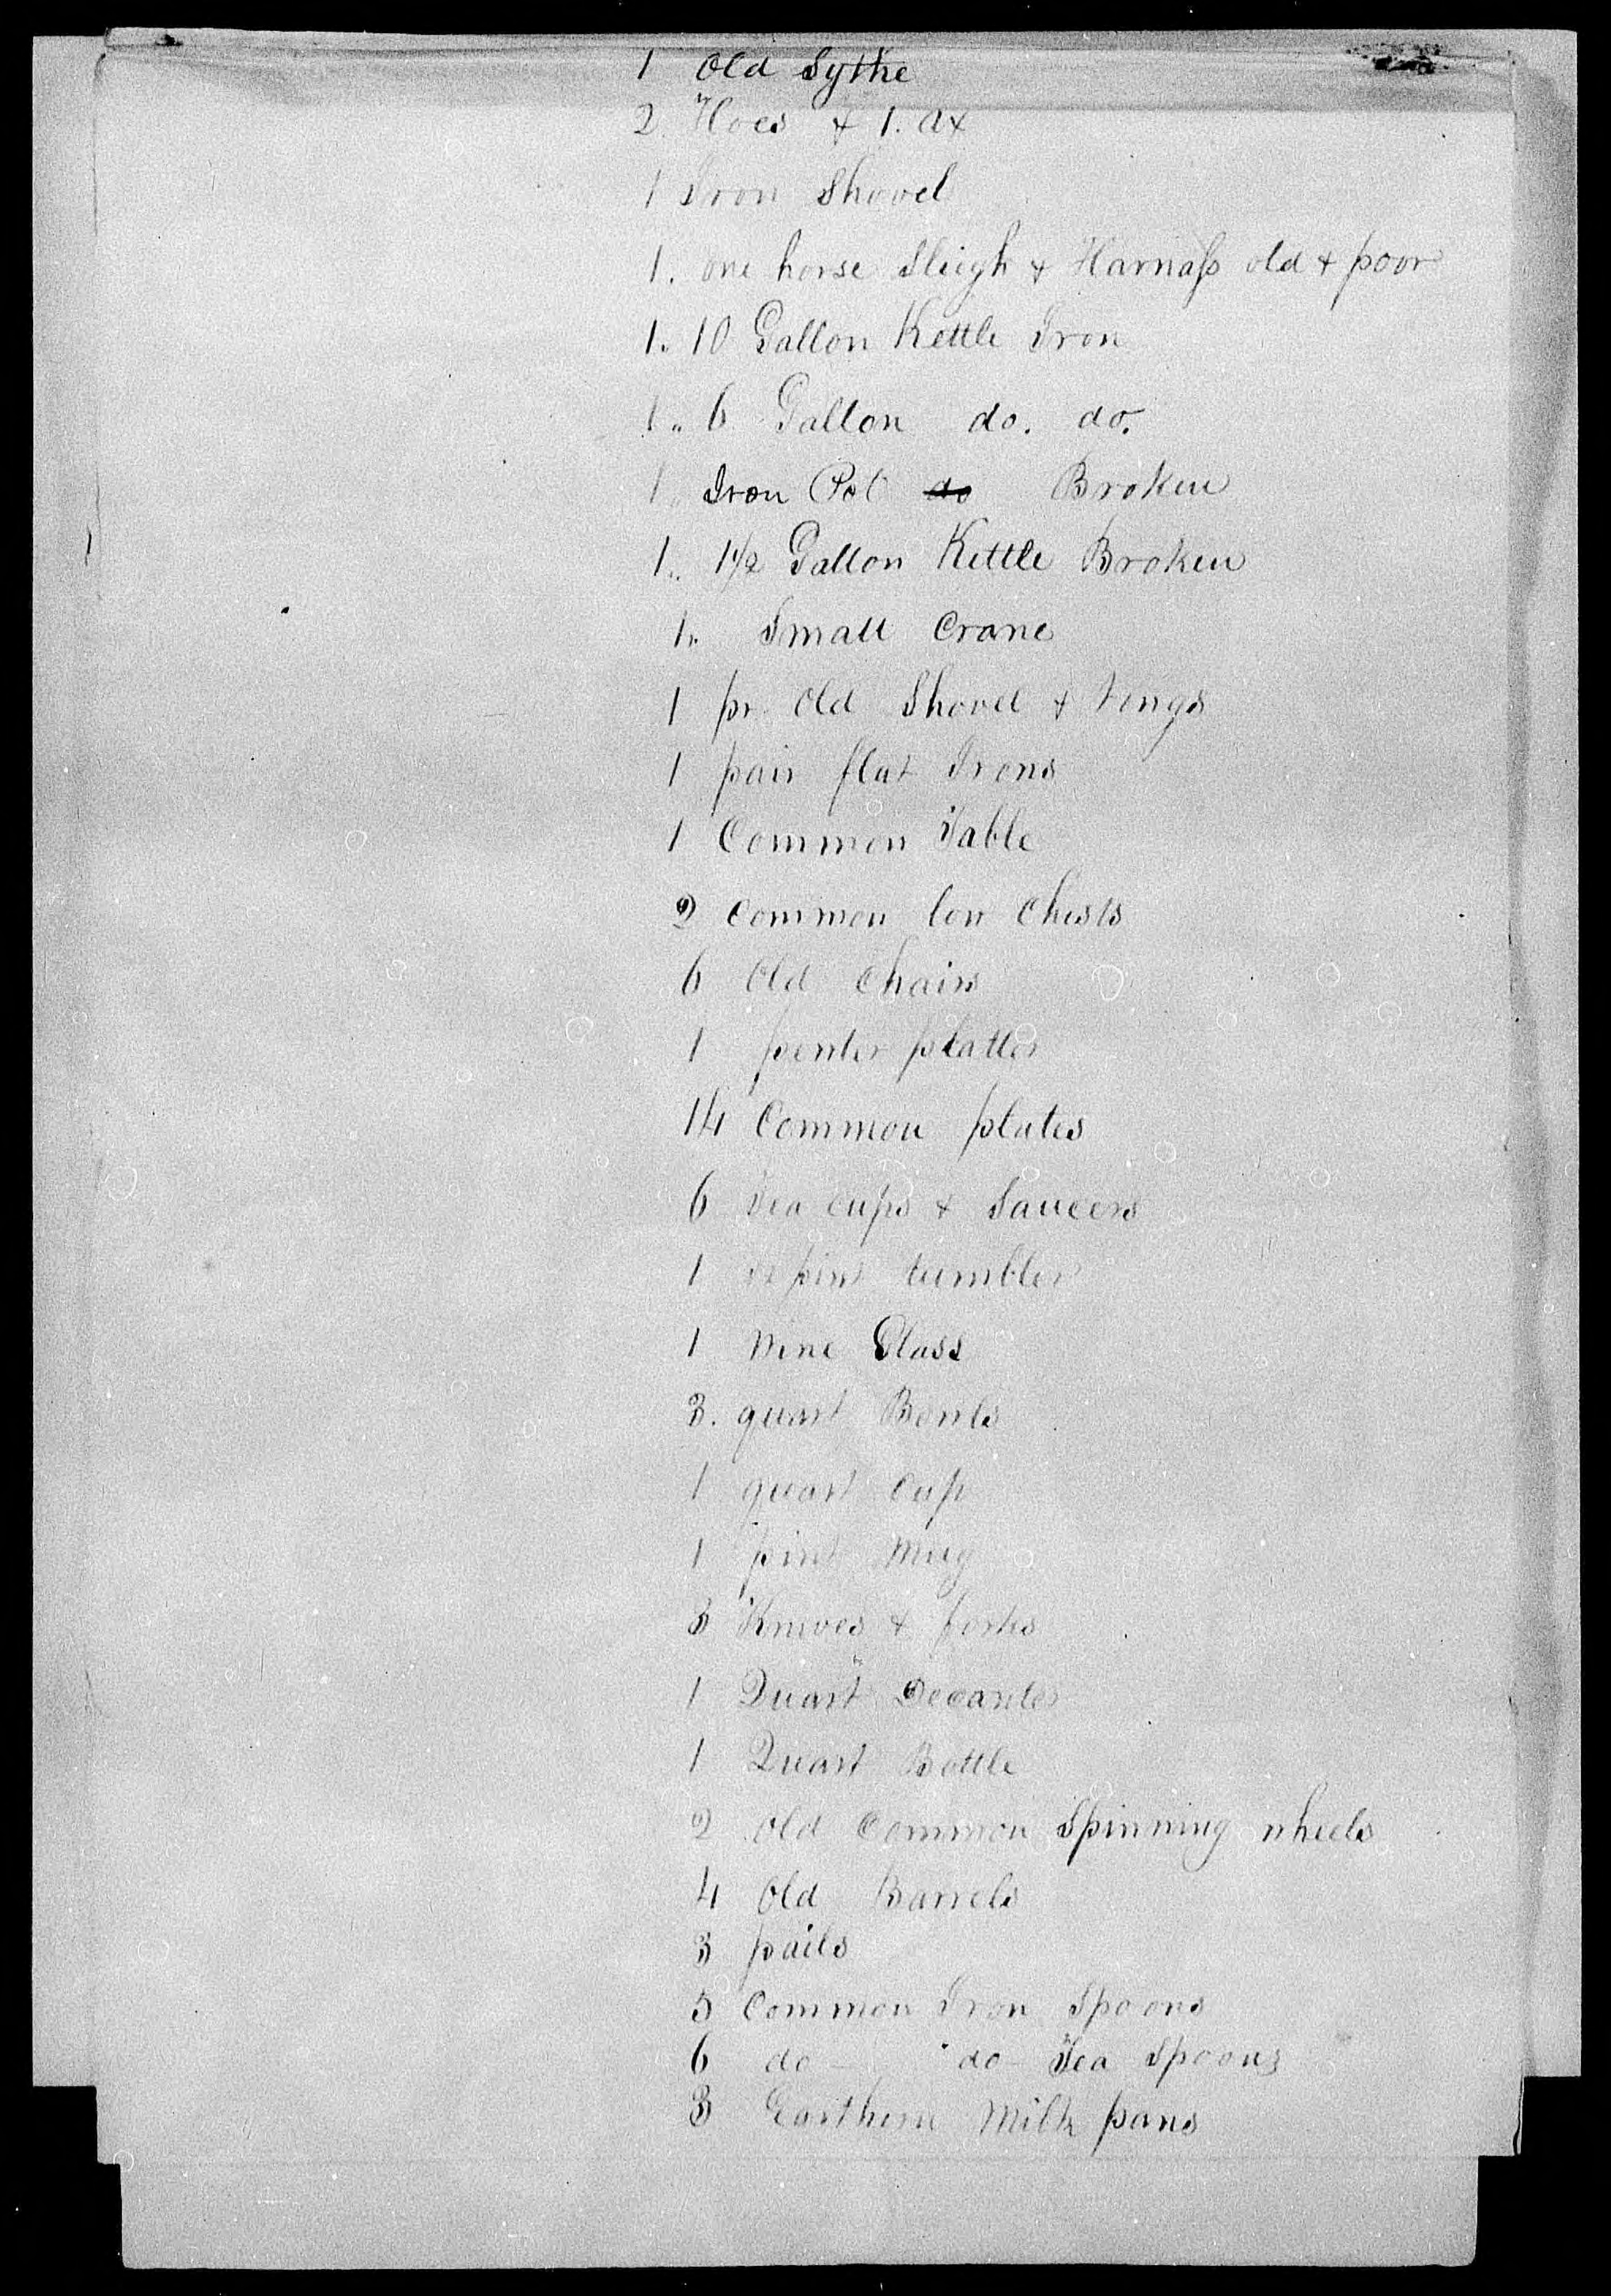1 Old Sythe
2 Hoes & 1 Ax
1. Iron Shovel
1. one horse Sleigh & Harness old & poor
1. 10 Gallon Kettle Iron
1. 6 Gallon do. do.
1. Iron Pot Broken
1. 1 1/2 Gallon Kettle Broken
1. Small Crane
1 pr Old Shovel & tongs
1 pair flat Irons
1 Common Table
2 common low chests
6 Old chairs
1 pewter platter
14 Common plates
6 tea cups & Saucers
1 pint tumbler
1 Wine Glass
3 quart Bottles
1 quart Cup
1 pint mug
3 Knives & forks
1 Quart Decanter
1 Quart Bottle
2 old common spinning wheels
4 Old Barrels
3 pails
5 Common Iron Spoons
6 do do Tea spoons
3 Earthen Milk pans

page: 4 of 36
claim: survivor's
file: S. 42,792, for John Kimball, Connecticut